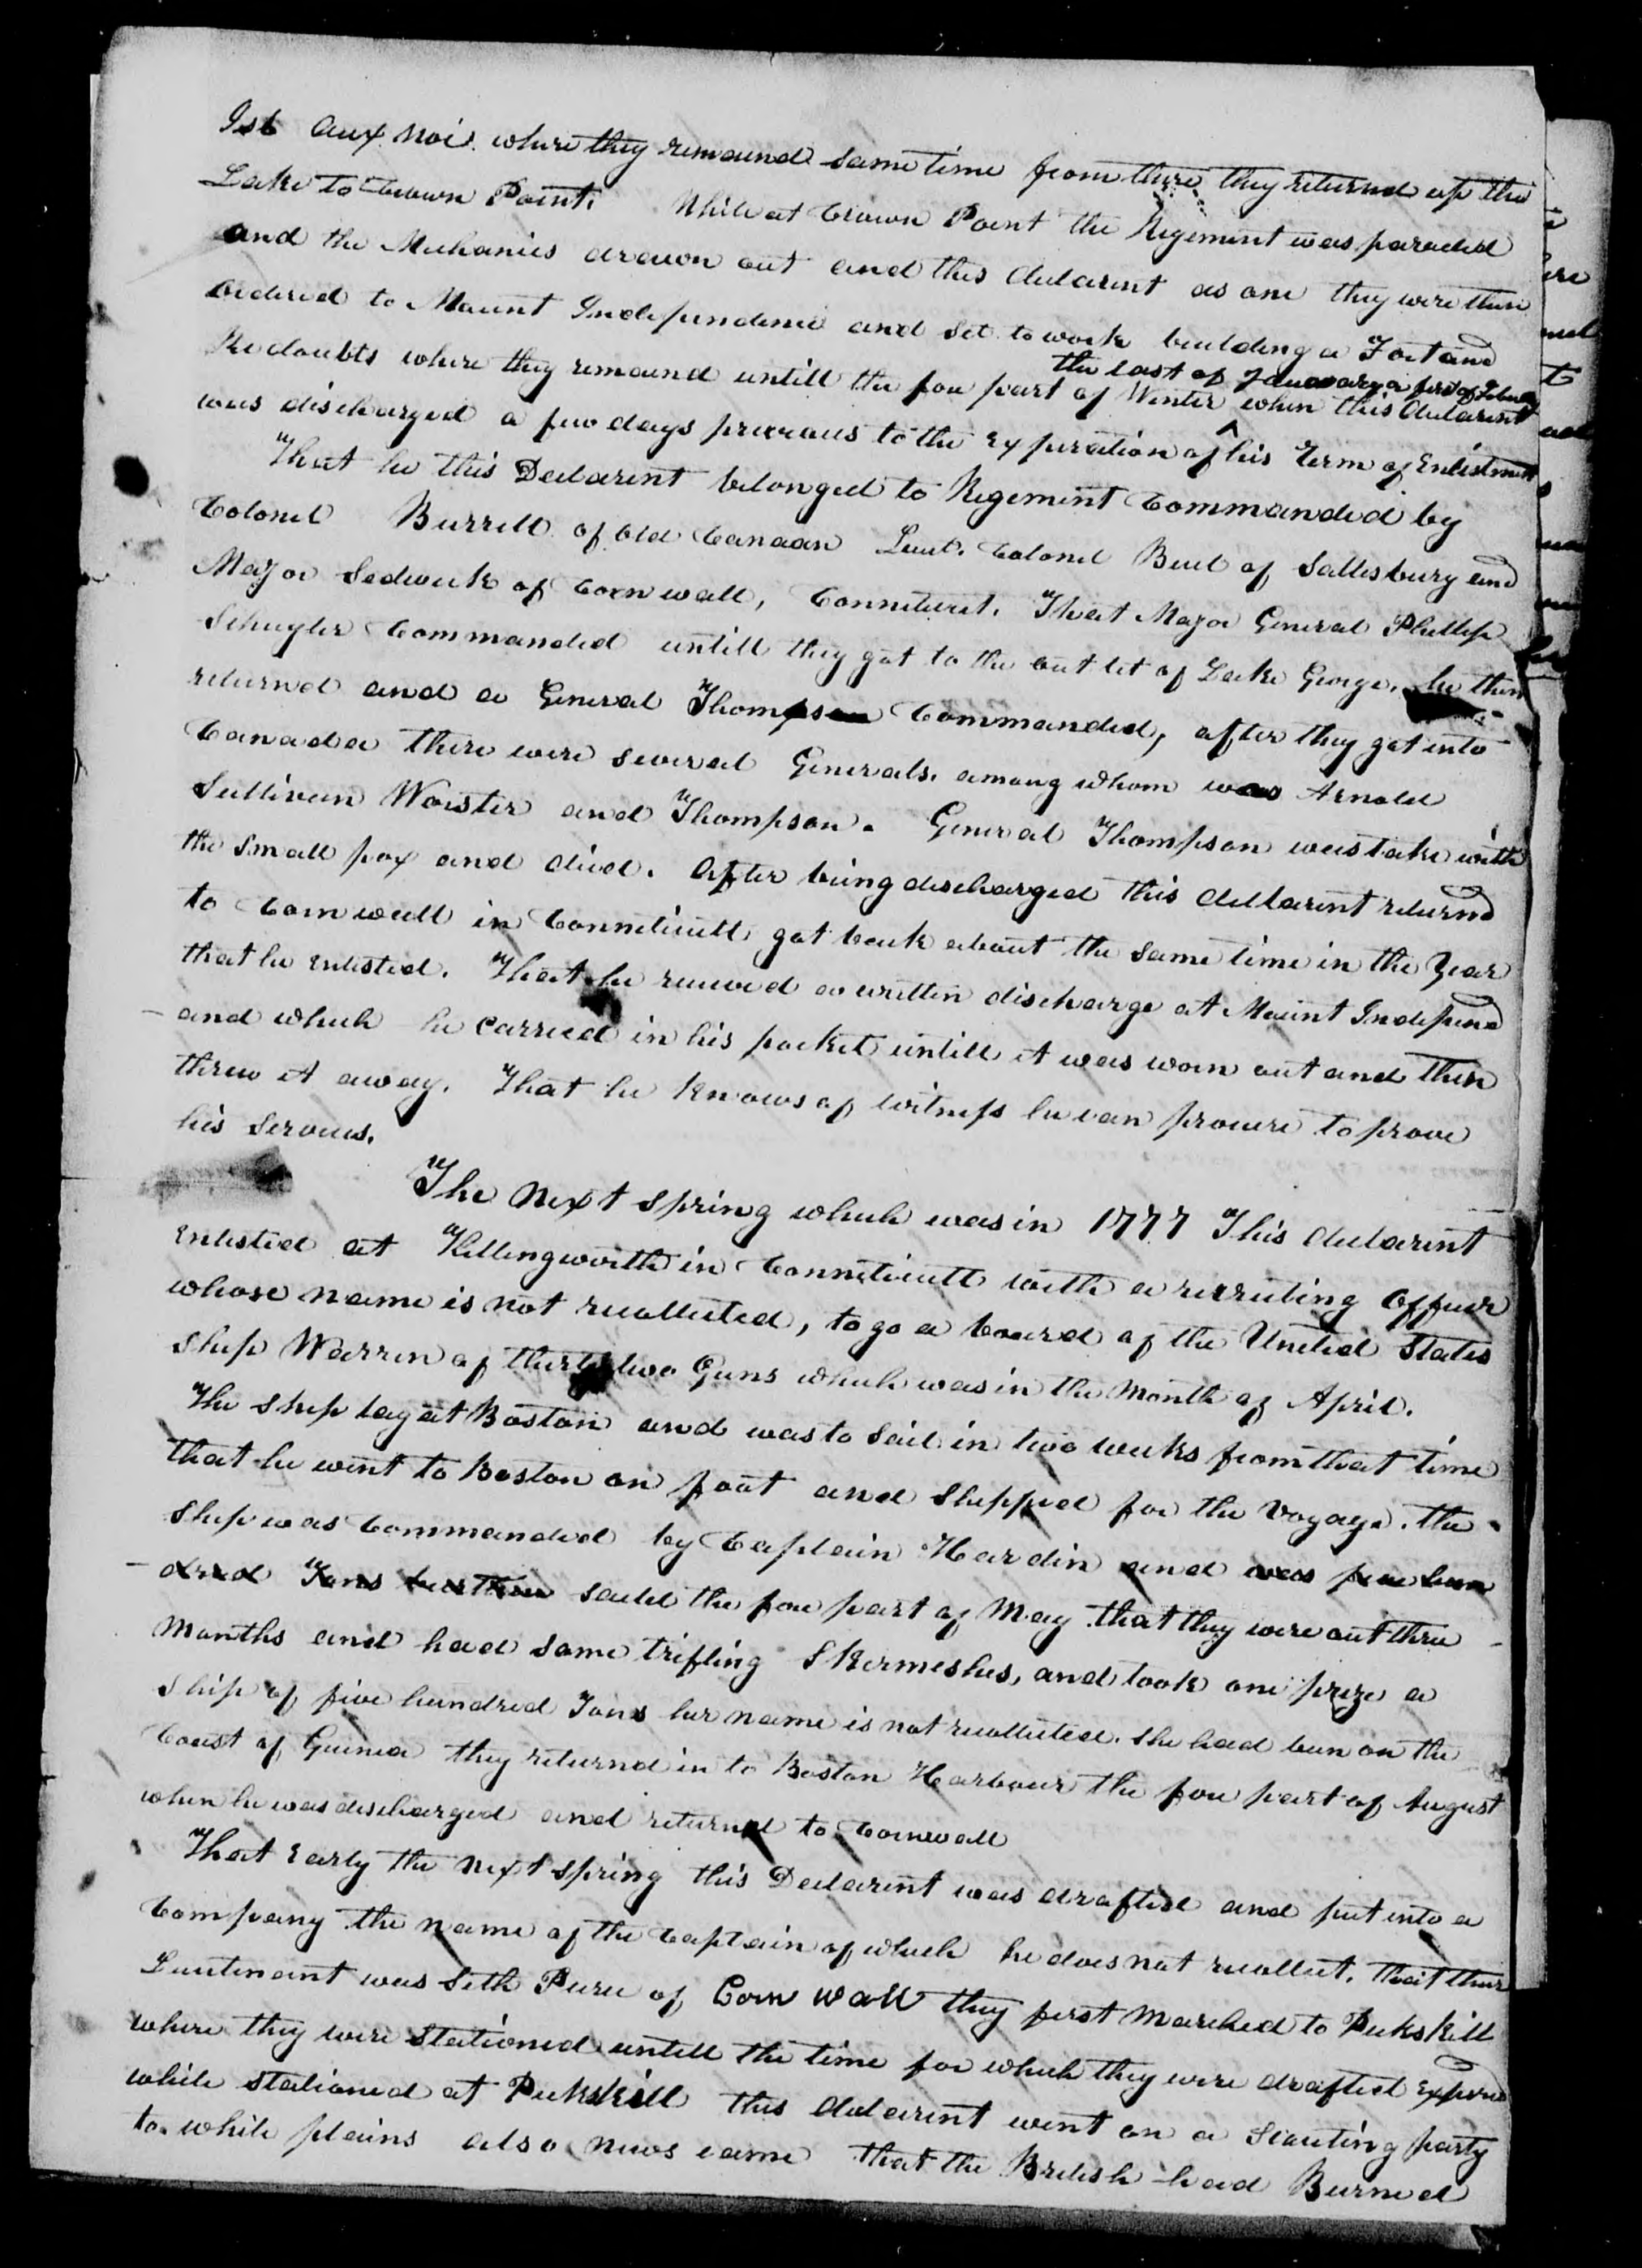where they remained same time from there they returned up this While at Crown Point, the Regiment was parted and the Mechanies drawn out and this declarant as one they were then ordered to Mount Independence and set to work building a Fort and doubts where they remained until the fore part discharged a few days previous to the expiration of his term of enlistment. That he this Declarant belonged to the Regiment commanded by Colonel Burrell of Old Canaan in Colonel Bunt of Salisbury and
Major Sedwick of Cornwall, Connecticut. That Major General Phillips Schuyler commanded untill they got to the outlet of Lake George then returned and a general, Thompson Commanded, after they get into ┃ Canada there were several Generals, among whom was and Sullivan Warster and Thompson General Thompson was take with the small pay and died. After being discharged, this declarant returned to Comwall in Connecticut got back about the same time in the year that he enlisted. That he received or written discharge at Mount Independence and which he carried in his pocket until it was worn out and then threw it away. That he knows of a witness he can procure to prove his services The next spring which was in 1777 this declarant enlisted at Killingworth in Connecticut with a retreating officer ┃ whose name is not recollected, to go a tour of the United States Ship Warren of there active guns which was in the month of April The ship lay at Boston and was to said in two weeks from that time ┃ that he went to Boston on foot and Shoppice for the voyage, the  ship was commanded by Captain Hardin and was person and as the said the fore part of may that they were out three
months and had some trifling skirmishes, and took one prize a Ship of five hundred pairs her name is not recollected the had been on the
Court of Guined they returned in to Boston Harbour the pow part of August when he was discharged and returned to Cornwall That early the next spring this Declarant was drafted and put into a Company the name of the Captain of which he does not recollect that the
lieuntenant was Seth Purce of Cornwall they first marched to Peekskill where they were stationed until the time for which they were drafted while stationed at Peekskill this delcarent went on a scouting party while plains also news came that the British had Burnel
R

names: Burniel, Buel, Thompson, Arnold Sullivan Worster, Hardin, Thompson, Phillip Schuyler, Burrell, Thompson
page: 5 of 37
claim: widow's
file: W. 20,787, Daniel Brown, Conn. Navy.